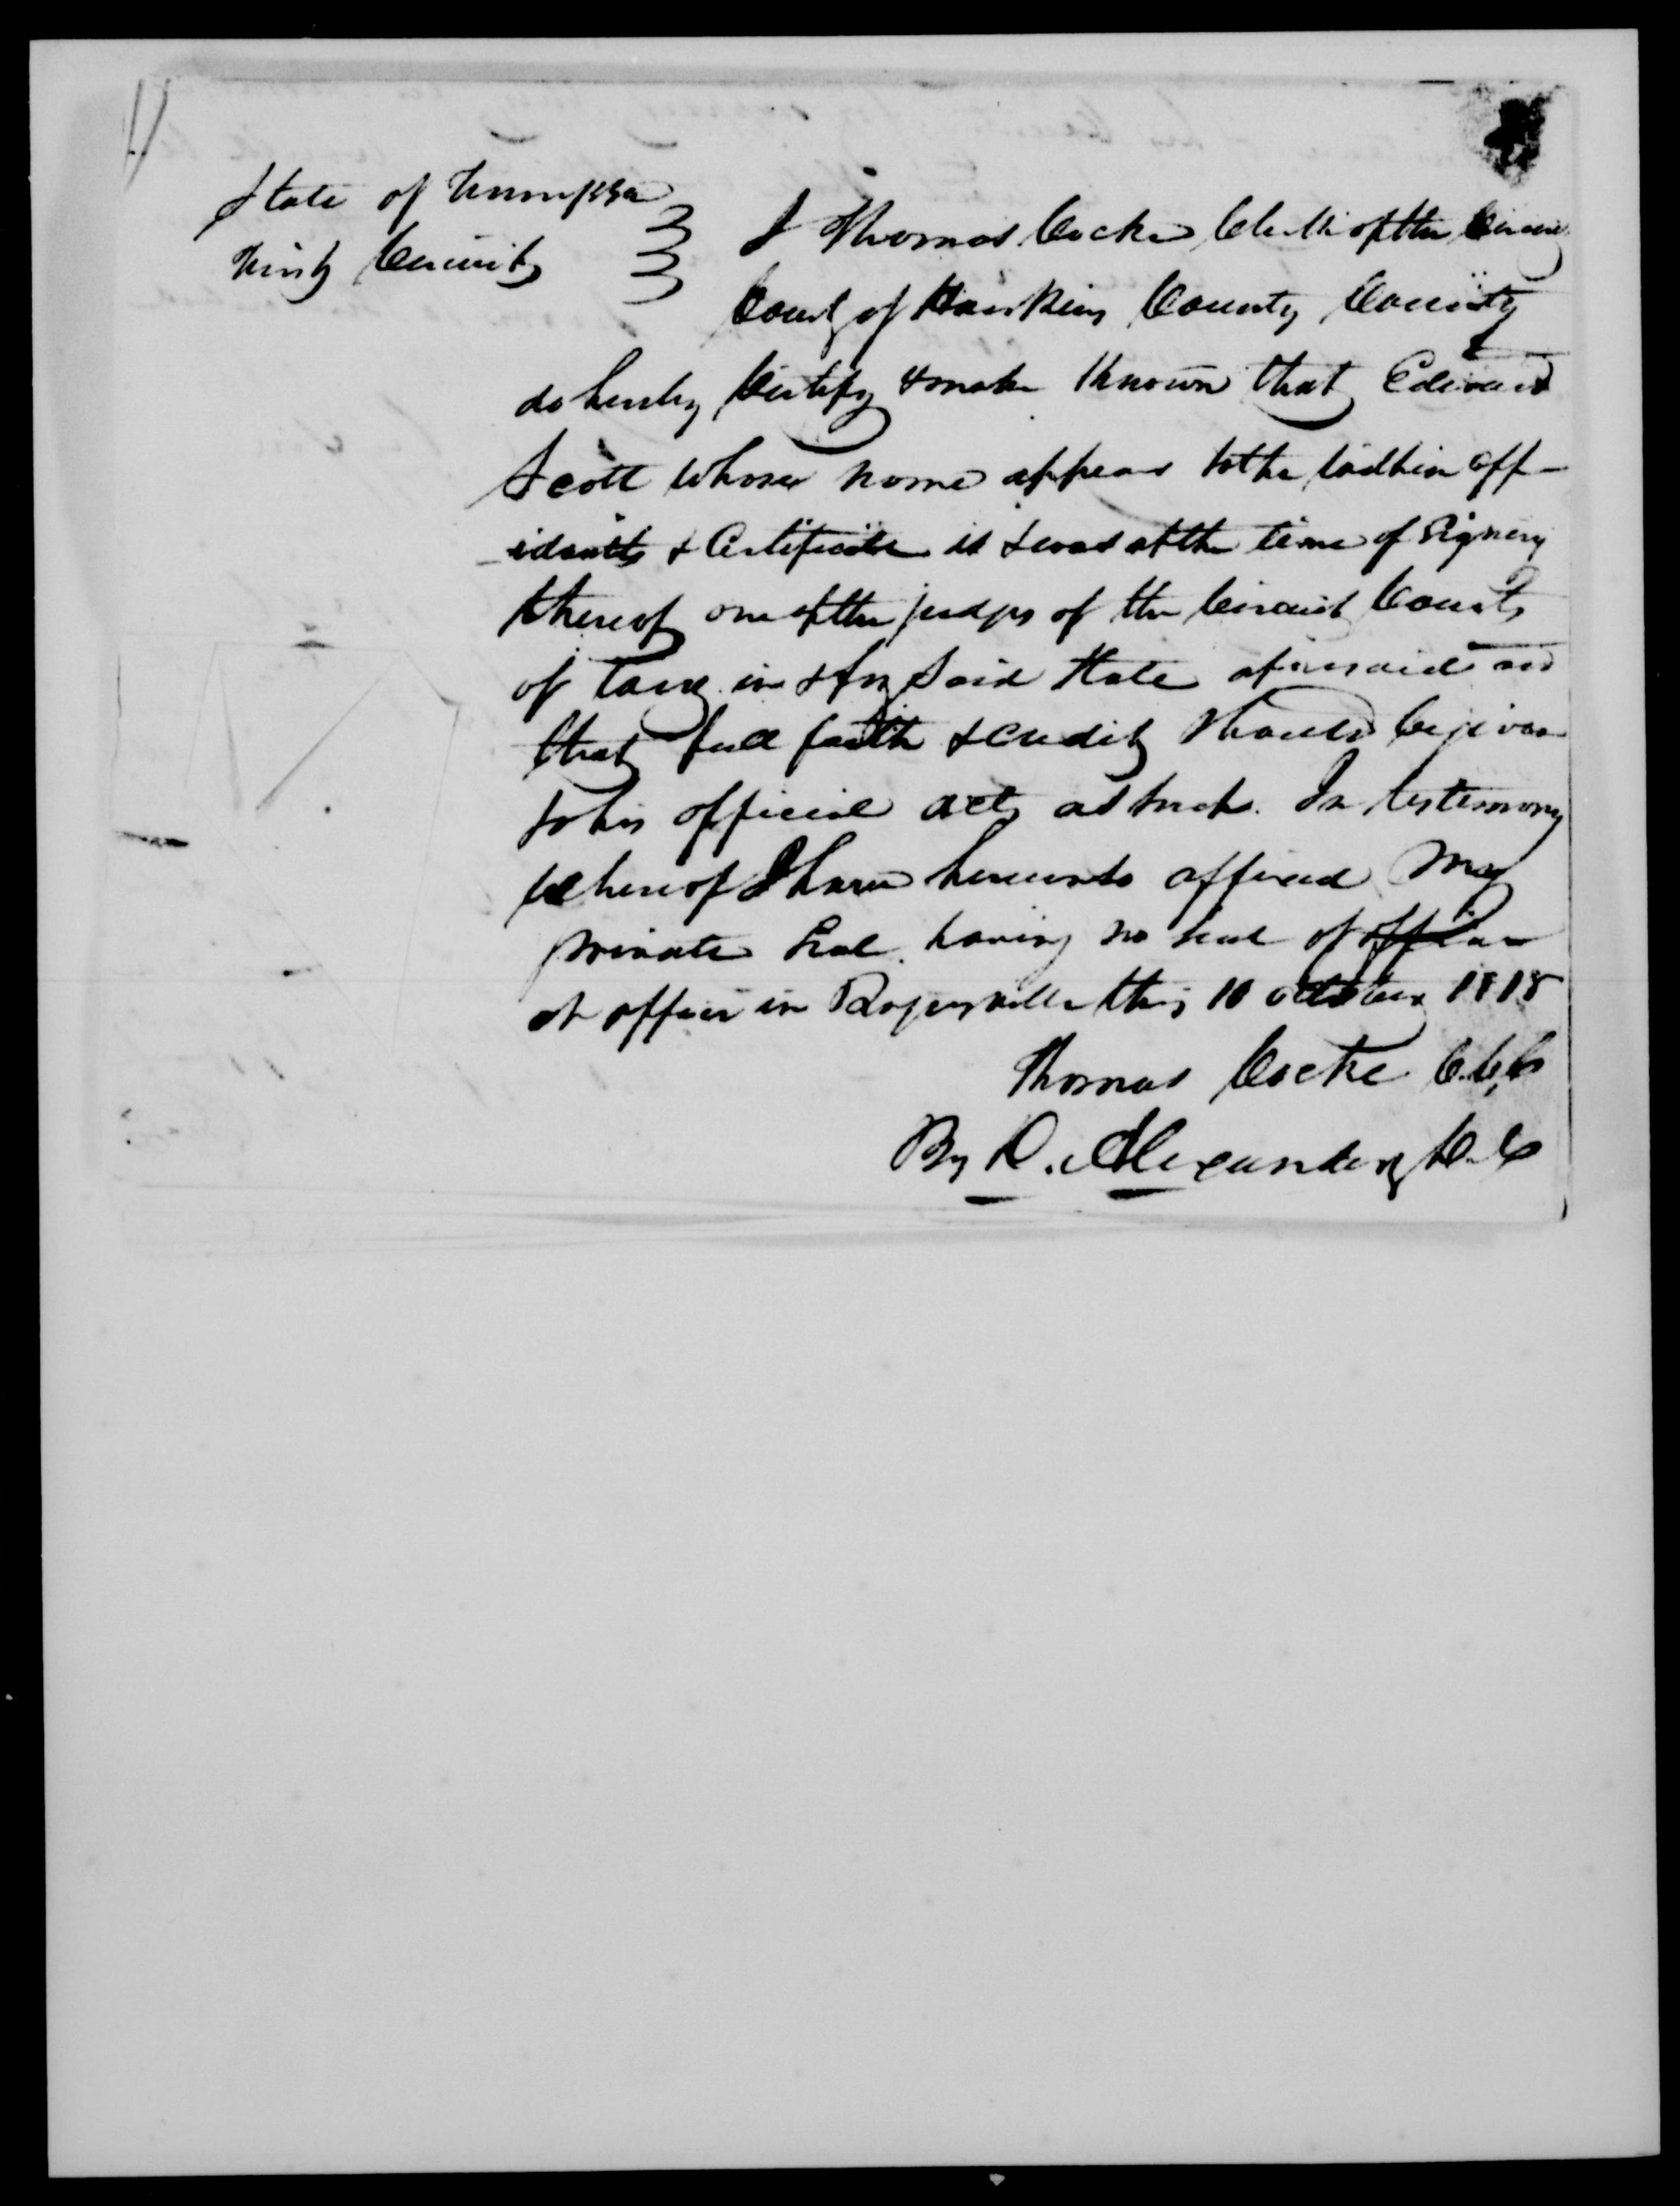State of Tennessee King County
I Thomas Cocke Clerk of the
Circuit Court of Hawkins County do hereby certify & make known that Edward Scott whose name appears to the within affidavits & Certificate is & was at the time of Signing
thereof one of the judges of the Circuit Court of law in & for said State aforesaid and that full faith & credit should be given to his official acts as such. In testimony whereof I have hereunto affixed my private seal having no seal of  office in Rogerville this 10 October 1818
Thomas Cocke Clk
By D. Alexander D.C.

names: Thomas Cocke; D Alexander; Thomas Cocke; Edward Scott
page: 28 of 79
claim: widow's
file: W. 1504, for Robert Smith, North Carolina